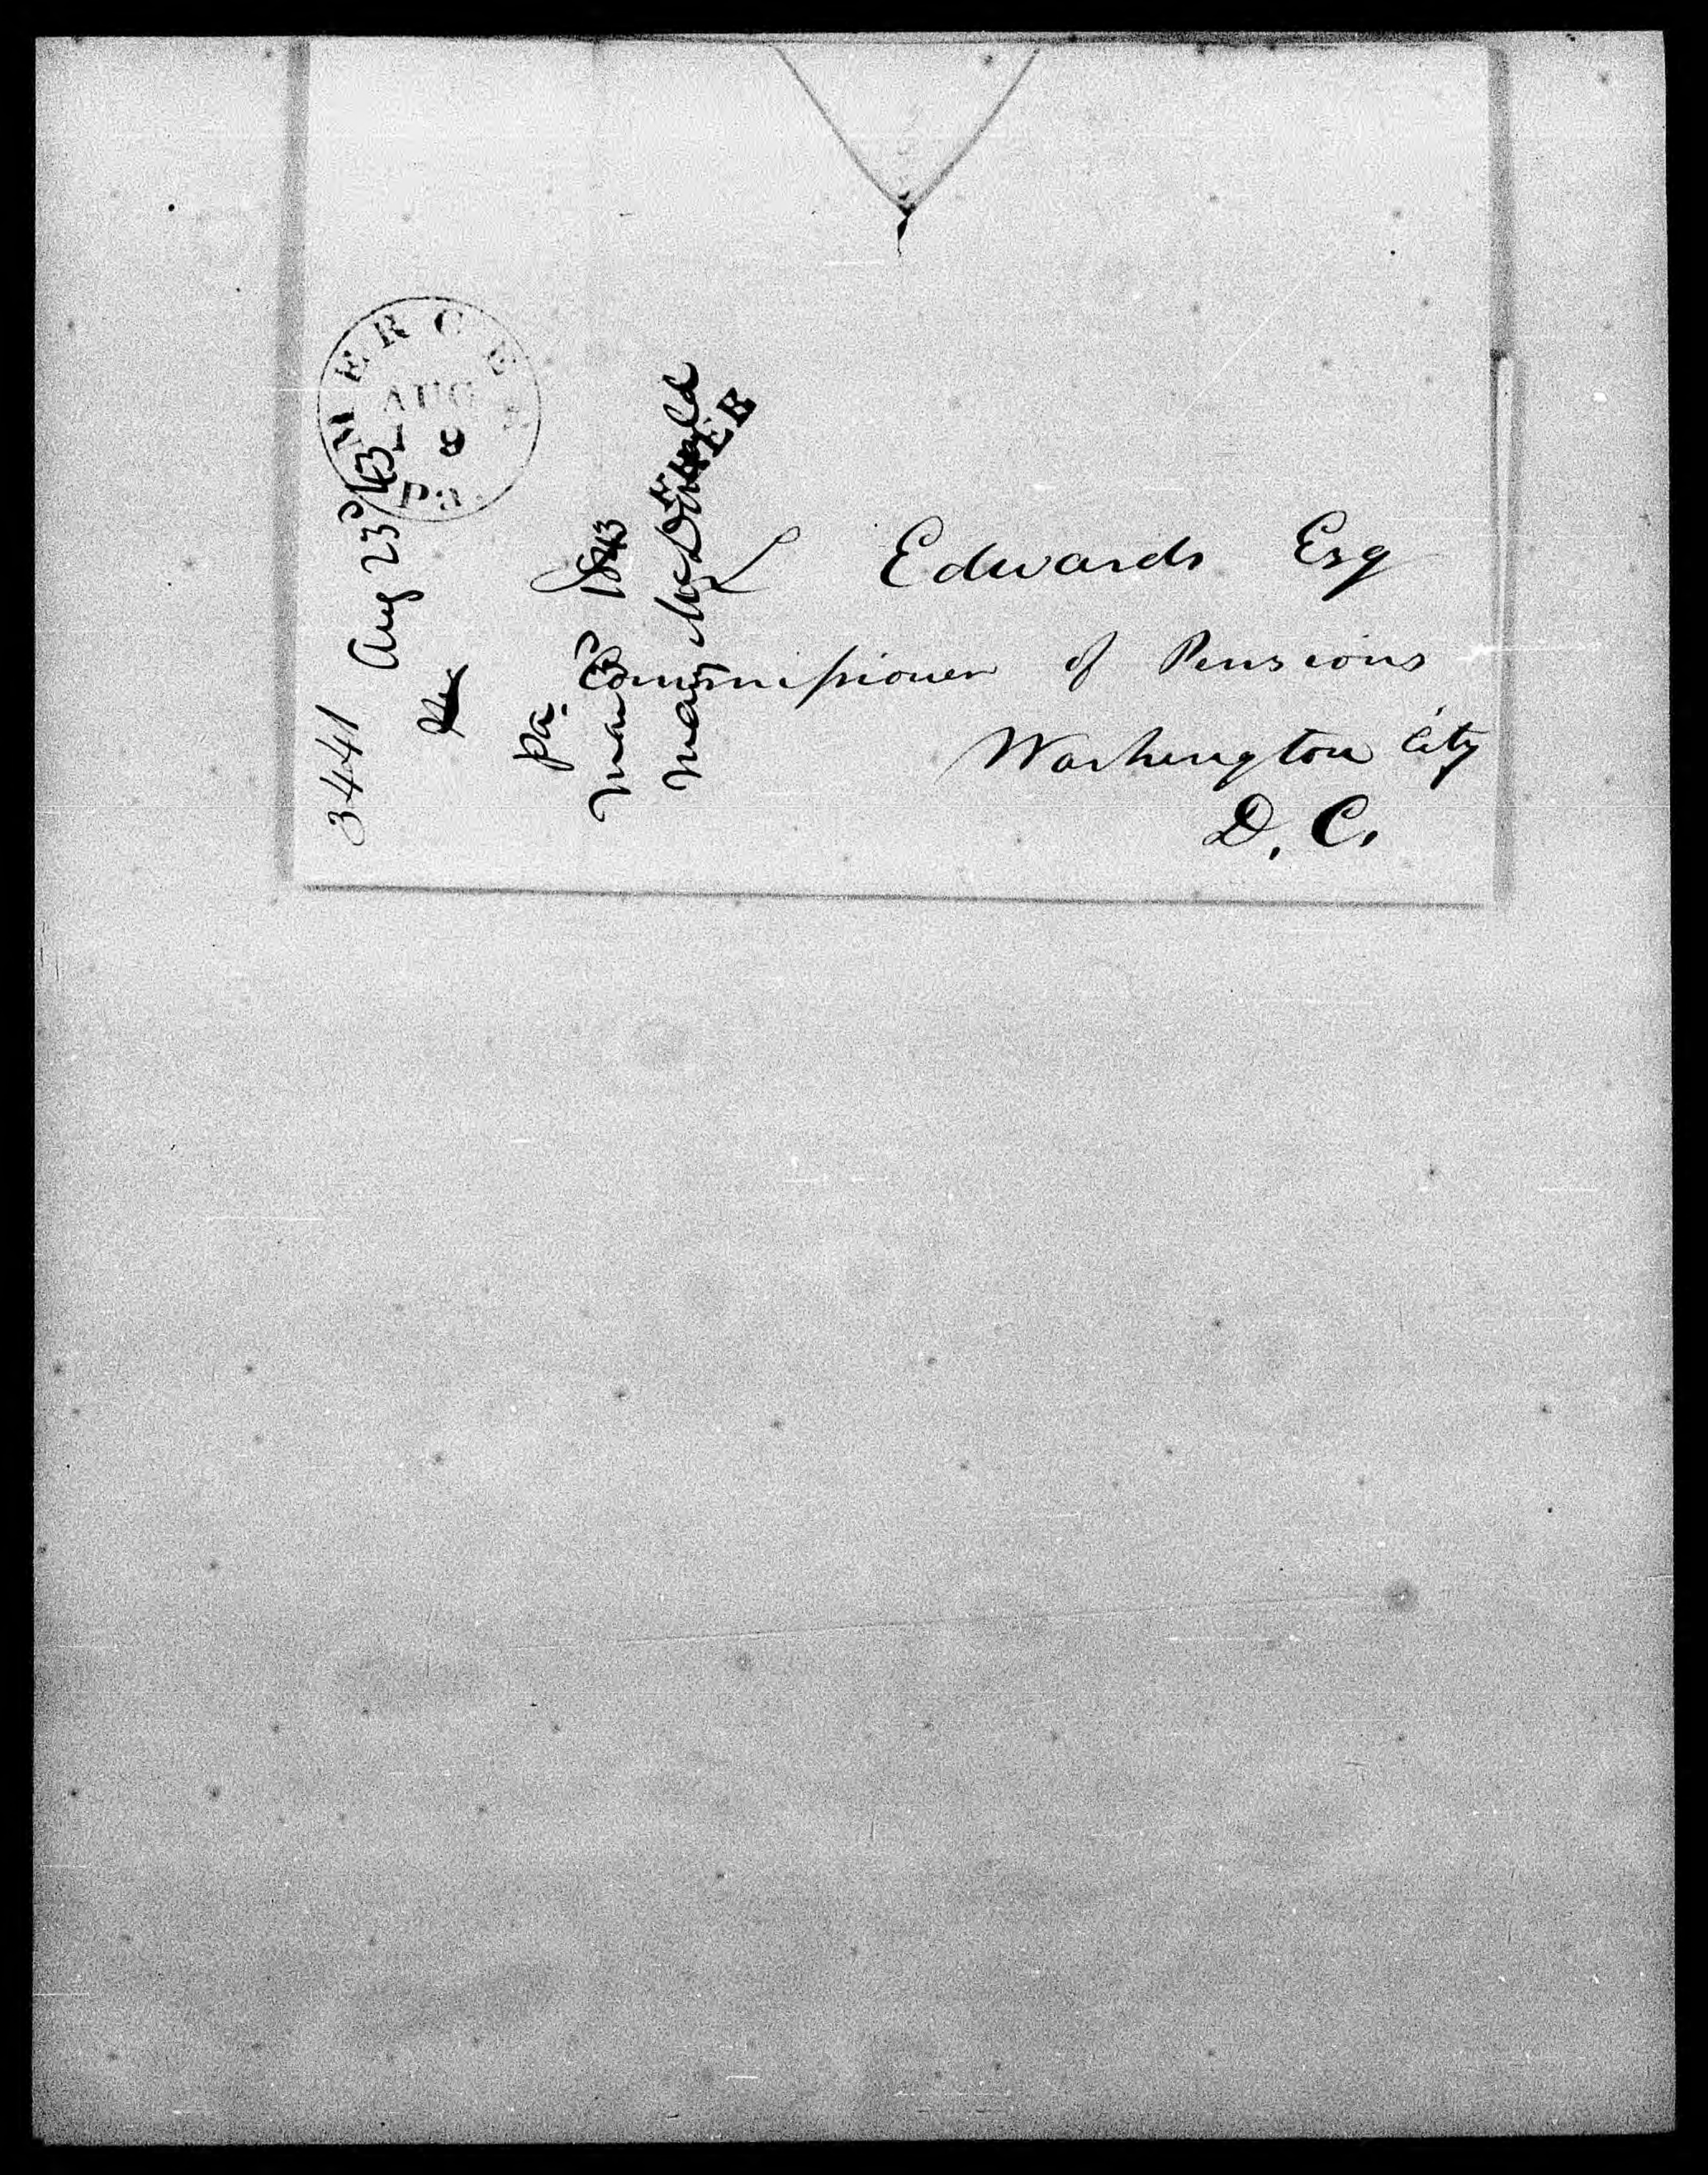Stamp seal: Mercer Pa Aug 19
3441 Aug 23rd
Pa 
Mercer County
Mary McDonald
J.L. Edwards Esq
Commissioner of Pensions
Washington City D.C.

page: 36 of 59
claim: widow's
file: W 3703, for Robert Mc Donald, Pennsylvania